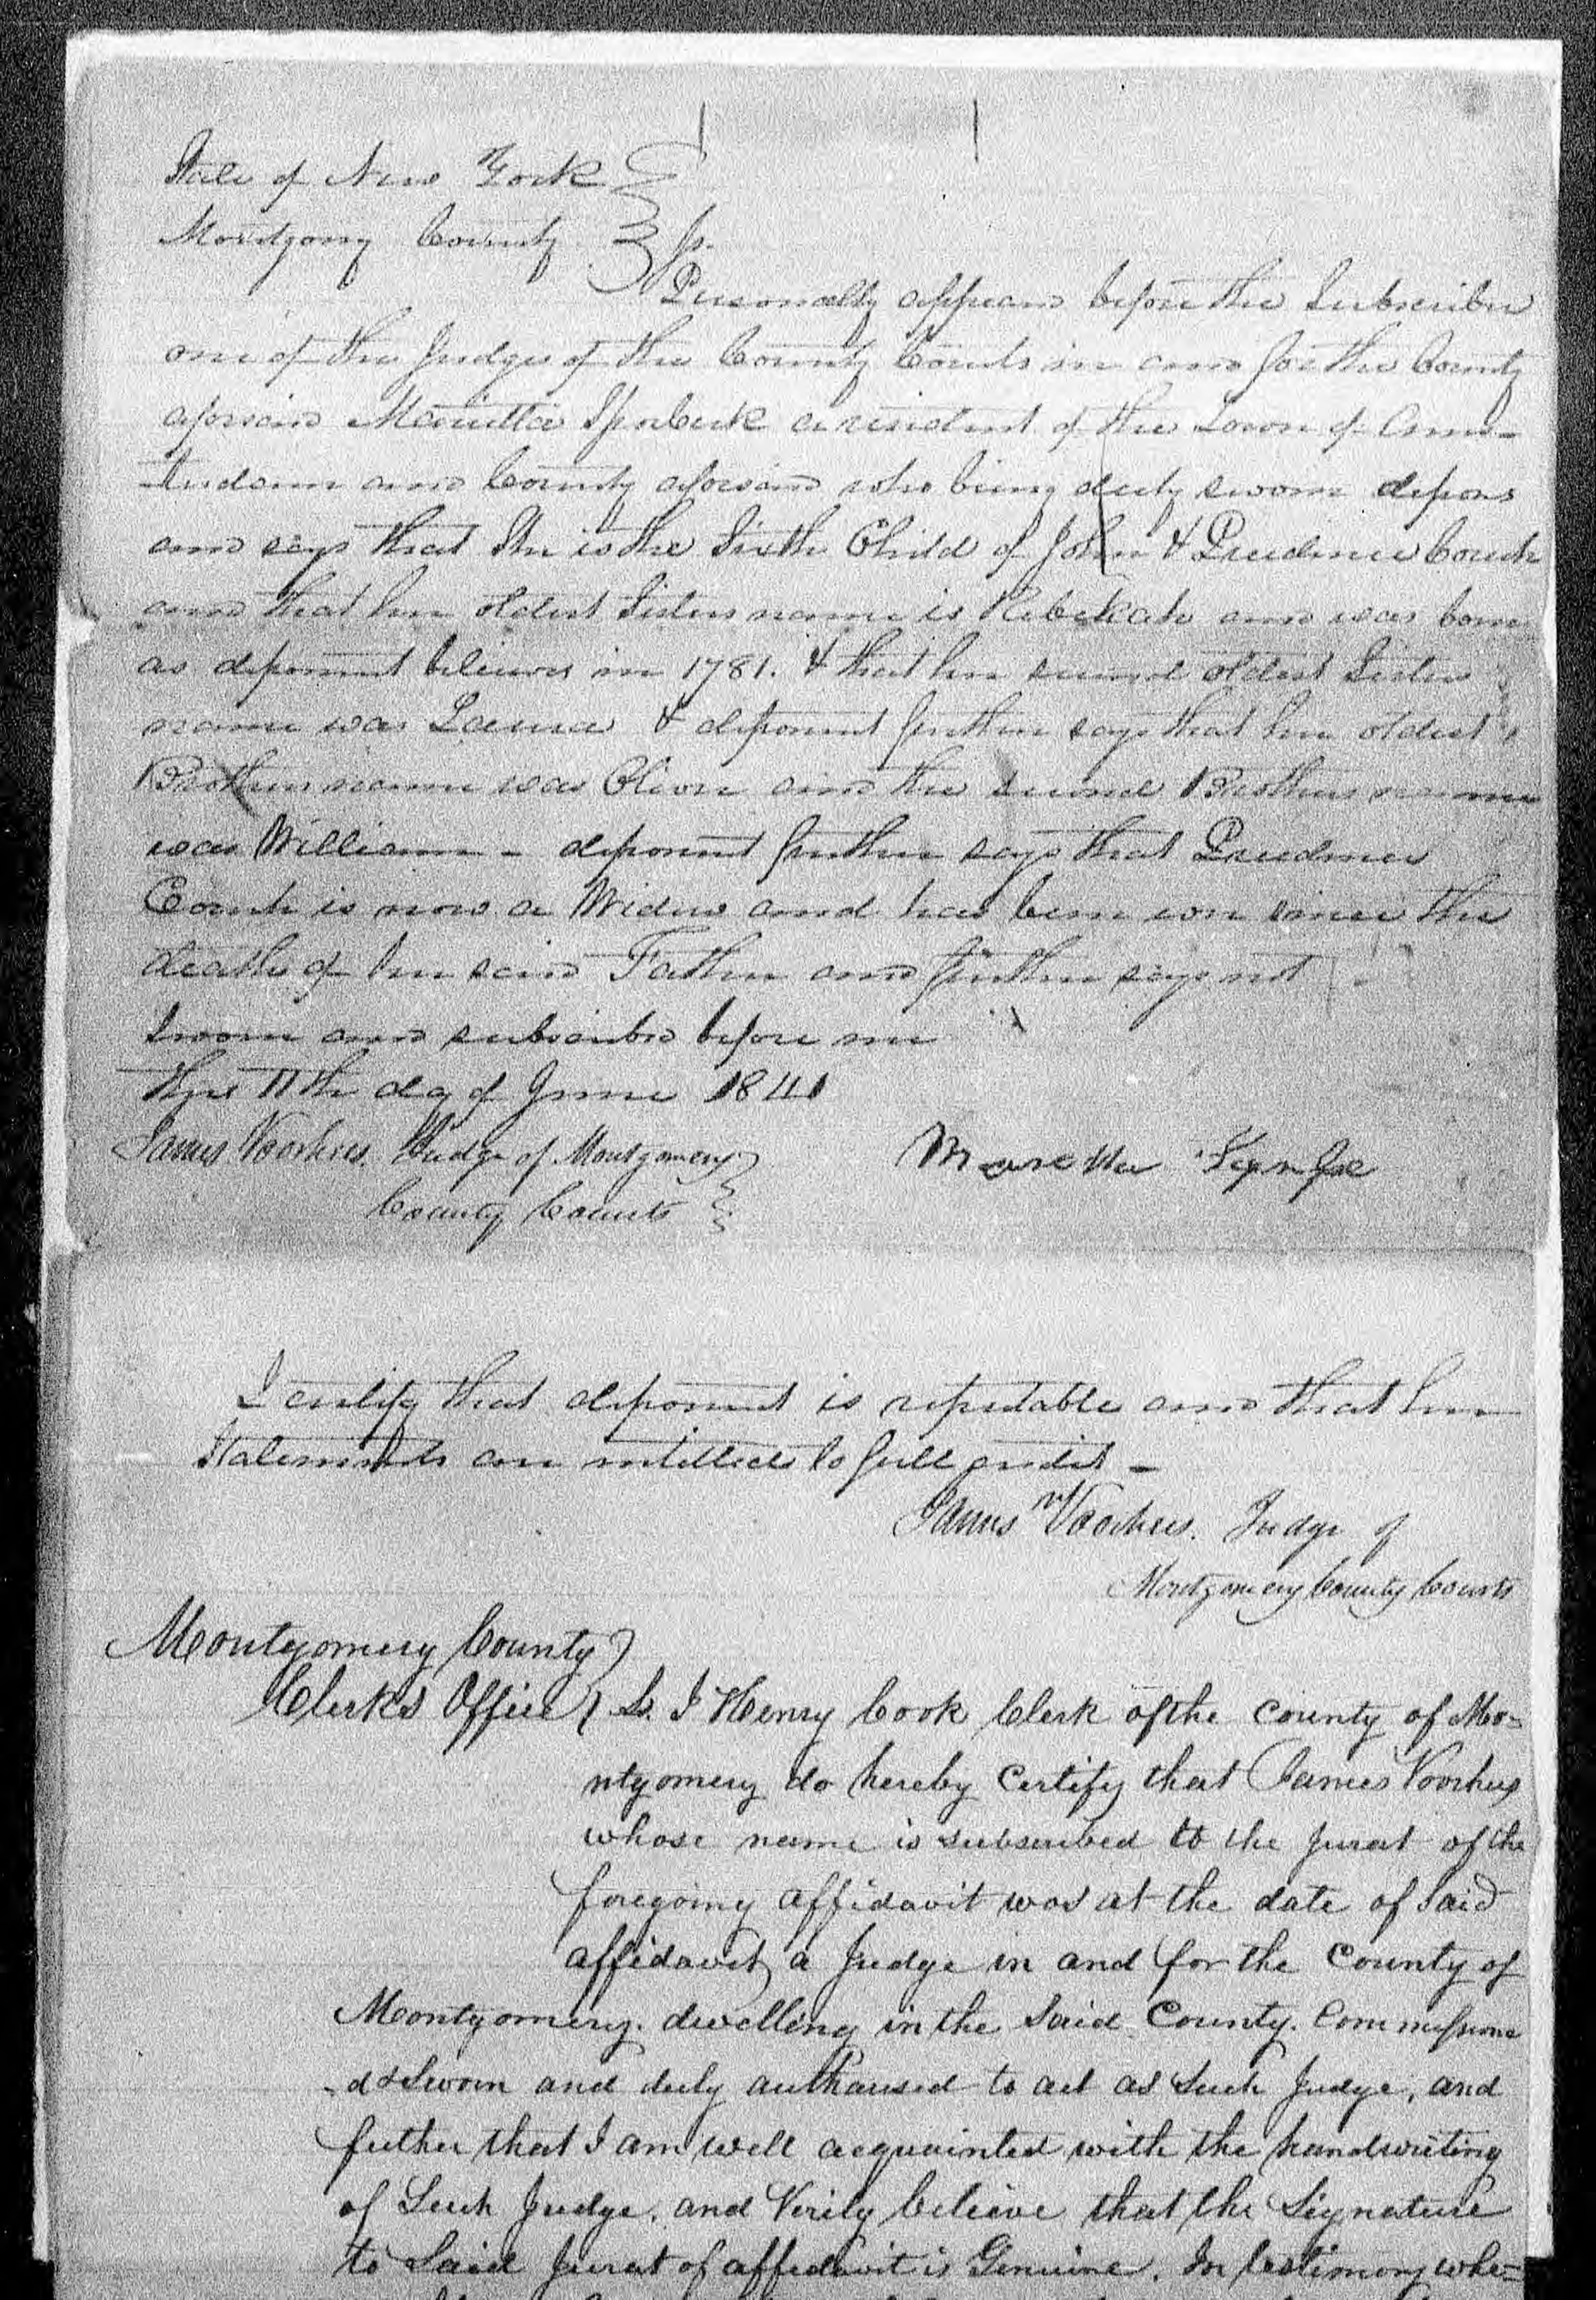State of New York
Montgomery County} ss.
Personally appeared before the Subscriber one of the Judges of the County Courts in and for the County aforesaid Marietta Sporlock a resident of the town of Amsterdam and County aforesaid who being duly sworn deposes and saus that she is the sixth child of John & Prudence Couch and that her oldest sister's name is Rebekah and was born as deponent believes in 1781 & that her second oldest sister's name was Laura & deponent further says that her oldest brother's name was Oliver and the second brother's name was William- deponent further says that Prudence Couch is now a widow and has been ever since the death of her said Father and further says not.
Mariette Sporlock

Sworn and subscribed before me this 11th day of June 1841,
James Voorhees Judge of Montgomery County Courts

I certify that deponent is respectable and that her statements are entitled to full credit.
James Voorhees Judge of Montgomery County Courts

Montgomery County Clerk's Office} ss.
I Henry Cook Clerk of the county of Montgomery do hereby certify that James Voorhees whose name is subscribed to the Jurat of the foregoing affidavit was at the date of the said affidavit a Judge in and for the County of Montgomery, dwelling in the said County, commissioned & sworn and duly authorized to act as such Judge, and further that I am well acquainted with the handwriting of such Judge, and verily believe that the signatures to said Jurat of affidavit is genuine. In testimony whe-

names: James Voorhees, Masetta, William, James Voorhees, James Voorhees, Oliver, John Couch, Rebekah, Prudence Couch, Prudence Couch, Henry Cook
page: 12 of 68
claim: rejected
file: R. 2,360, John Couch, Conn.